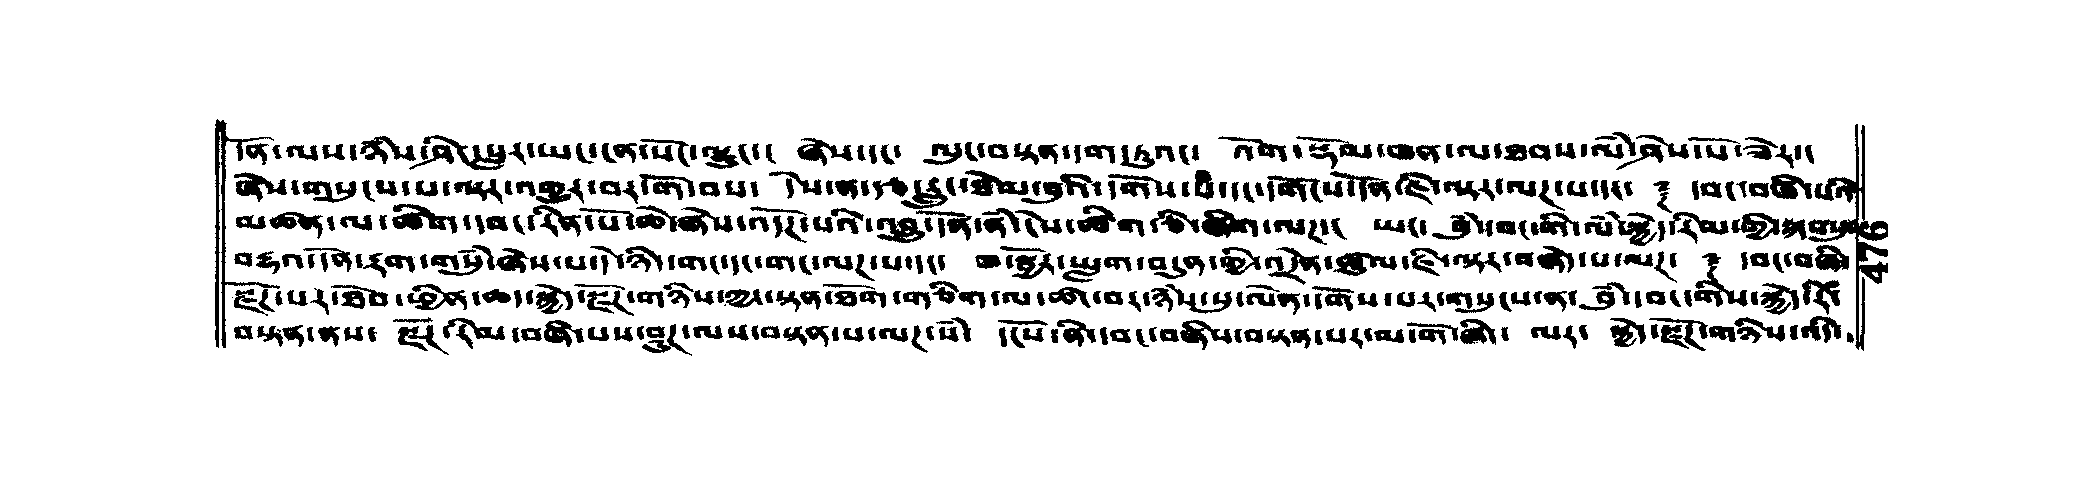།དོན་ལས་ཉམས་ཤིང་སླར་ཡང་ངན་སོང་ལྷུང་། ཞེས་དང་། ལུང་བསྟན་དག་ཏུའང་། འོག་སྡོམ་ཁན་ལ་ཐབས་ལམ་ཤེས་སོ་ཟེར། 
ཞེས་གསུངས་པ་ལྟར་འགྱུར་བར་གོ་བས། དེས་ན་རྩ་རླུང་ཐེམ་བུའི་དགོས་པ་དང་དགོངས་དོན་ཇི་ལྟར་ལགས་པ་དང་། དབང་བཞི་པའི་
མཚན་ལ་ཚིག་དབང་རིན་པོ་ཆེ་ཞེས་འདོགས་པའི་འབྲུ་དོན་ནམ་ངེས་ཚིག་ཅི་ཞིག་ལགས། ༈ ཡང་། བུམ་དབང་གི་ལམ་སྐྱེད་རིམ་གྱི་སྐབས་སུ་
བརྡ་དོན་རྟགས་གསུམ་ཞེས་པ་དེ་ཉིད་གང་དང་གང་ལགས་པ་དང་།ཁ་སྦྱོར་ཡན་ལག་བདུན་གྱི་འདྲེན་ཚུལ་ཇི་ལྟར་བཞེད་པ་ལགས། ༈ དབང་བཞི་
རྫོགས་པར་ཐོབ་ཕྱིན་ཆད་སྐྱེད་རྫོགས་གཉིས་ཀྱང་སྟན་ཐོག་གཅིག་ལ་ཚང་བར་ཉམས་སུ་ལེན་དགོས་པར་གསུངས་ན། བུམ་དབང་གིས་སྐྱེད་རིམ་
བསྟན་ནས། རྫོགས་རིམ་བཞི་པས་ཤུགས་ལས་བསྟན་པ་ལགས་སམ། དངོས་ནི་དབང་བཞིས་བསྟན་པར་མ་གོ་ཞིང་། ལར། སྐྱེད་རྫོགས་གཉིས་འདི་